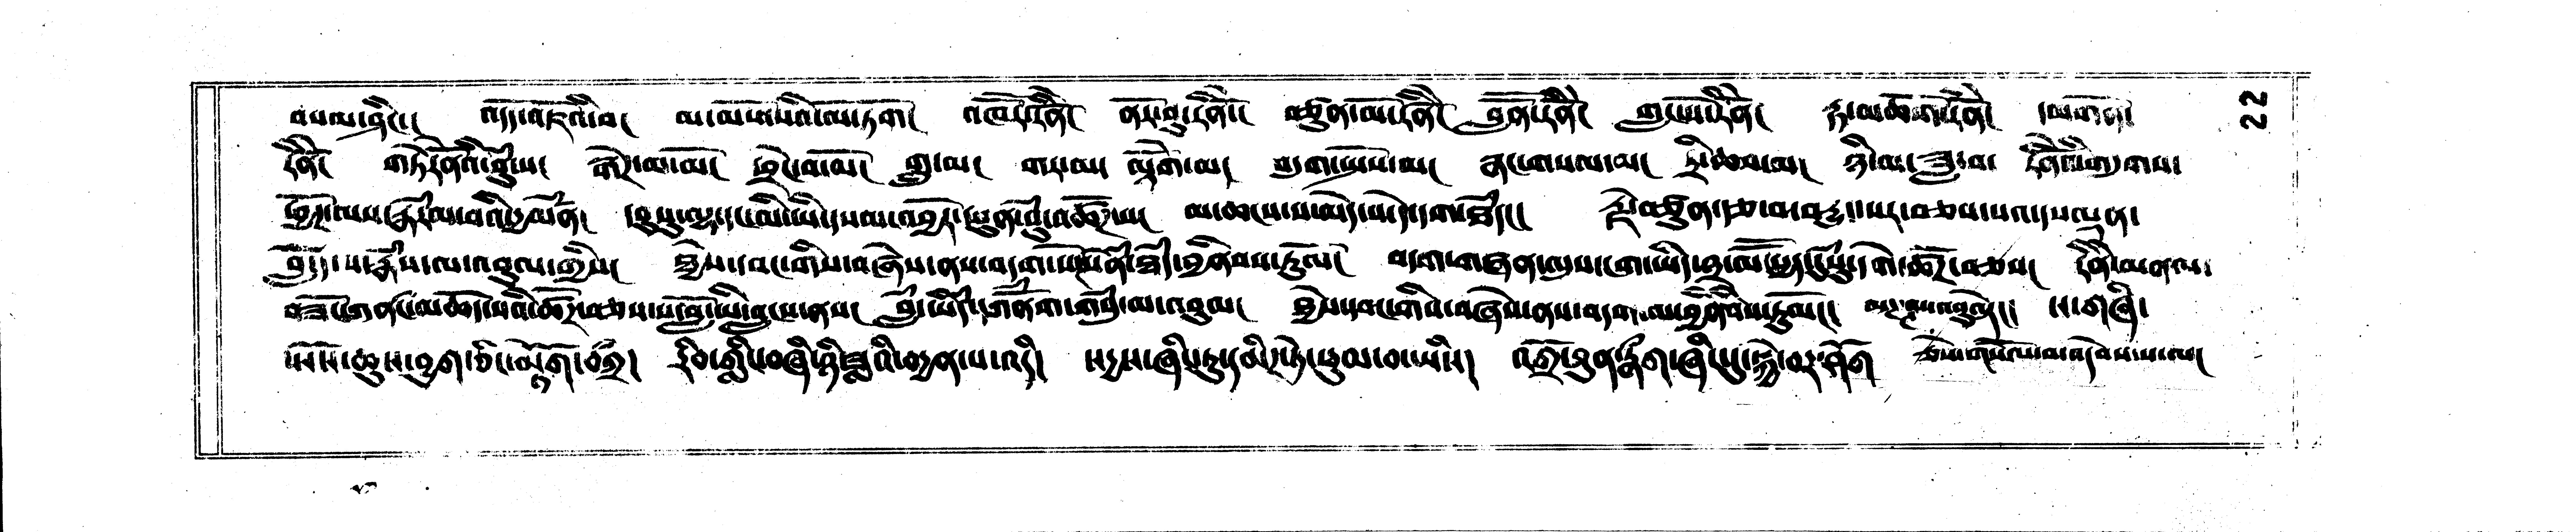གསམ་གྱི་ཤིང་། འདོད་འཇོའི་བ། མ་རྨོས་པའི་ལོ་ཏོག འཁོར་ལོ་རིན་པོ་ཆེ། ནོར་བུ་རིན་པོ་ཆེ། བཙུན་མོ་རིན་པོ་ཆེ། གླང་པོ་རིན་པོ་ཆེ། རྟ་མཆོག་རིན་པོ་ཆེ། དམག་དཔོན་
རིན་པོ་ཆེ། གཏེར་ཆེན་པོའི་བུམ་པ། སྒེག་མ་མོ། ཕྲེང་བ་མོ། གླུ་མ། གར་མ། མེ་ཏོག་མ། བདུག་སྤོས་མ། སྣང་གསལ་མ། དྲི་ཆབ་མ། ཉི་མ། ཟླ་བ། རིན་པོ་ཆེའི་གདུགས།
 ཕྱོགས་ལས་རྣམ་པར་རྒྱལ་བའི་རྒྱལ་མཚན། དབུས་སུ་ལྷ་དང་མིའི་དཔལ་འབྱོར་ཕུན་སུམ་ཚོགས་པ། མ་ཚང་བ་མེད་པ་དེ་དག་ཐམས་ཅད། རྗེ་བཙུན་རྩ་བ་བརྒྱུད་པར་བཅས་པའི་དཔལ་ལྡན་
བླ་མ་དམ་པ་རྣམས་ལ་འབུལ་གྱིས། ཐུགས་རྗེས་དབང་གིས་བཞེས་ནས་བདག་སོགས་སེམས་ཅན་ཐམས་ཅད་བྱིན་གྱིས་བརླབ་ཏུ་གསོལ། བདག་གཞན་ལུས་ངག་ཡིད་གསུམ་ལོངས་སྤྱོད་དུས་གསུམ་དགེ་ཚོགས་བཅས་རིན་ཆེན་མཎྜལ་
བཟང་པོ་ཀུན་བཟང་མཆོད་པའི་ཚོགས་བཅས་པ་བློ་ཡིས་བླངས་ནས། བླ་མ་ཡི་དམ་དཀོན་མཆོག་གསུམ་ལ་འབུལ། ཐུགས་རྗེ་དབང་གིས་བཞེས་ནས་བདག་ལ་བྱིན་གྱིས་བརླབ་ཏུ་གསོལ། །མཎྜལ་འབུལ་ཏེ། ས་གཞི་
སྤོས་ཆུས་བྱུག་ཅིང་མེ་ཏོག་བཀྲམ། །རི་རབ་གླིང་བཞི་ཉི་ཟླས་བརྒྱན་པ་འདི། །སངས་རྒྱས་ཞིང་དུ་དམིགས་ཏེ་ཕུལ་བ་ཡིས། །འགྲོ་ཀུན་རྣམ་དག་ཞིང་དུ་སྐྱེ་བར་ཤོག། །།ཅེས་གསོལ་བ་འདེབས་པ་ལ་